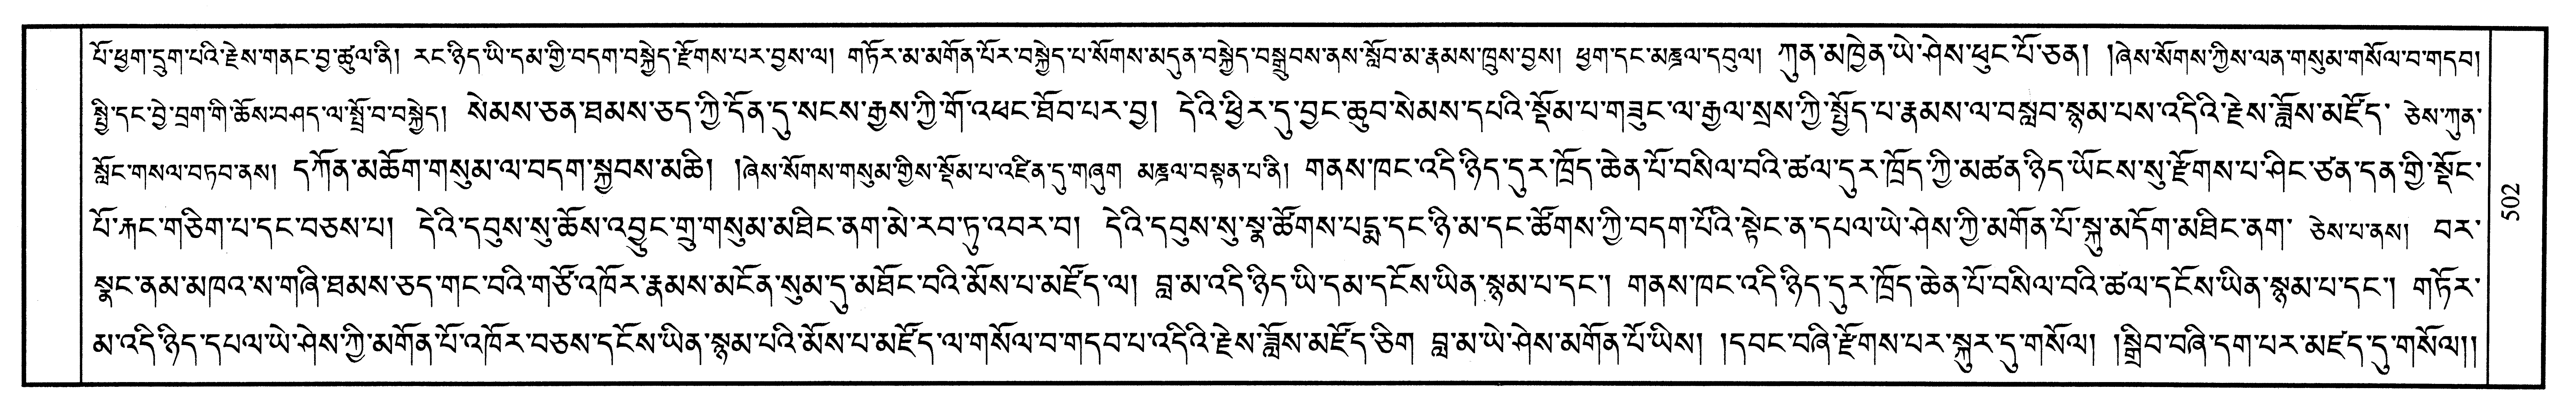པོ་ཕྱག་དྲུག་པའི་རྗེས་གནང་བྱ་ཚུལ་ནི། རང་ཉིད་ཡི་དམ་གྱི་བདག་བསྐྱེད་རྫོགས་པར་བྱས་ལ། གཏོར་མ་མགོན་པོར་བསྐྱེད་པ་སོགས་མདུན་བསྐྱེད་བསྒྲུབས་ནས་སློབ་མ་རྣམས་ཁྲུས་བྱས། ཕྱག་དང་མཎྜལ་དབུལ། ཀུན་མཁྱེན་ཡེ་ཤེས་ཕུང་པོ་ཅན། །ཞེས་སོགས་ཀྱིས་ལན་གསུམ་གསོལ་བ་གདབ།
སྤྱི་དང་བྱེ་བྲག་གི་ཆོས་བཤད་ལ་སྤྲོ་བ་བསྐྱེད། སེམས་ཅན་ཐམས་ཅད་ཀྱི་དོན་དུ་སངས་རྒྱས་ཀྱི་གོ་འཕང་ཐོབ་པར་བྱ། དེའི་ཕྱིར་དུ་བྱང་ཆུབ་སེམས་དཔའི་སྡོམ་པ་གཟུང་ལ་རྒྱལ་སྲས་ཀྱི་སྤྱོད་པ་རྣམས་ལ་བསླབ་སྙམ་པས་འདིའི་རྗེས་ཟློས་མཛོད་ཅེས་ཀུན་
སློང་གསལ་བཏབ་ནས། དཀོན་མཆོག་གསུམ་ལ་བདག་སྐྱབས་མཆི། །ཞེས་སོགས་གསུམ་གྱིས་སྡོམ་པ་འཛིན་དུ་གཞུག་མཎྜལ་བསྟན་པ་ནི། གནས་ཁང་འདི་ཉིད་དུར་ཁྲོད་ཆེན་པོ་བསིལ་བའི་ཚལ་དུར་ཁྲོད་ཀྱི་མཚན་ཉིད་ཡོངས་སུ་རྫོགས་པ་ཤིང་ཙན་དན་གྱི་སྡོང་
པོ་རྐང་གཅིག་པ་དང་བཅས་པ། དེའི་དབུས་སུ་ཆོས་འབྱུང་གྲུ་གསུམ་མཐིང་ནག་མེ་རབ་ཏུ་འབར་བ། དེའི་དབུས་སུ་སྣ་ཚོགས་པདམ་དང་ཉི་མ་དང་ཚོགས་ཀྱི་བདག་པོའི་སྟེང་ན་དཔལ་ཡེ་ཤེས་ཀྱི་མགོན་པོ་སྐུ་མདོག་མཐིང་ནག་ཅེས་པ་ནས། བར་
སྣང་ནམ་མཁའ་ས་གཞི་ཐམས་ཅད་གང་བའི་གཙོ་འཁོར་རྣམས་མངོན་སུམ་དུ་མཐོང་བའི་མོས་པ་མཛོད་ལ། བླ་མ་འདི་ཉིད་ཡི་དམ་དངོས་ཡིན་སྙམ་པ་དང་། གནས་ཁང་འདི་ཉིད་དུར་ཁྲོད་ཆེན་པོ་བསིལ་བའི་ཚལ་དངོས་ཡིན་སྙམ་པ་དང་། གཏོར་
མ་འདི་ཉིད་དཔལ་ཡེ་ཤེས་ཀྱི་མགོན་པོ་འཁོར་བཅས་དངོས་ཡིན་སྙམ་པའི་མོས་པ་མཛོད་ལ་གསོལ་བ་གདབ་པ་འདིའི་རྗེས་ཟློས་མཛོད་ཅིག་བླ་མ་ཡེ་ཤེས་མགོན་པོ་ཡིས། །དབང་བཞི་རྫོགས་པར་སྐུར་དུ་གསོལ། །སྒྲིབ་བཞི་དག་པར་མཛད་དུ་གསོལ།།